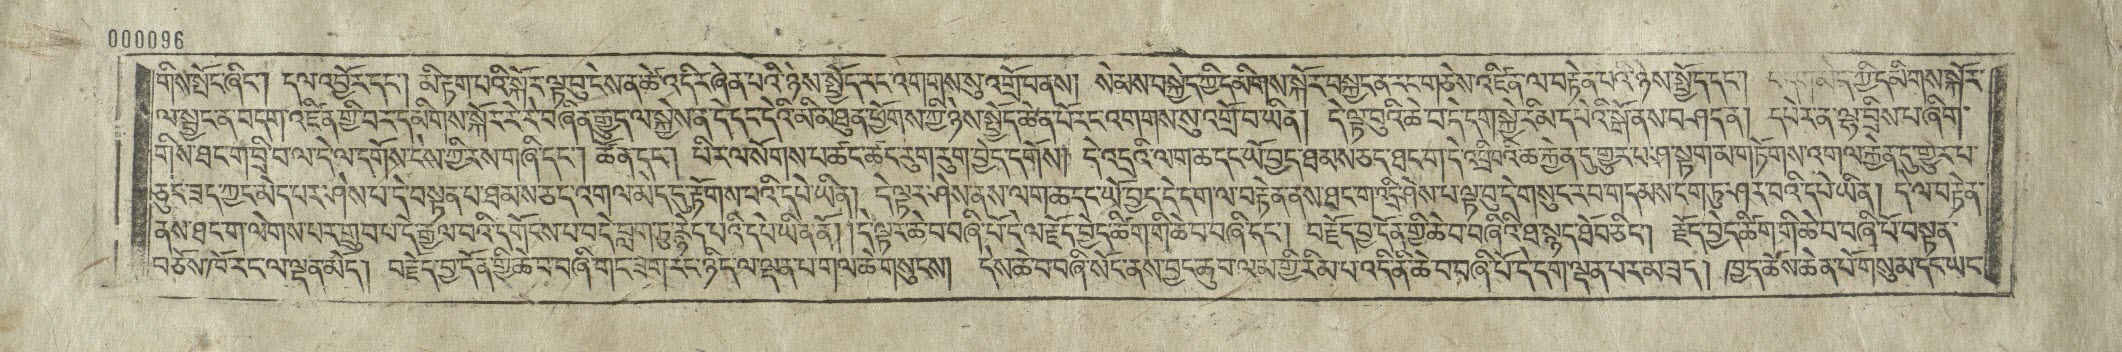གིས་སྤོང་ཞིང་། དལ་འབྱོར་དང་། མི་རྟག་པའི་སྐོར་ལྟ་བུ་ངེས་ན་ཚེ་འདིར་ཞེན་པའི་ཉེས་སྤྱོད་རང་འགགས་སུ་འགྲོ་བ་ནས། སེམས་བསྐྱེད་ཀྱི་དམིགས་སྐོར་བསྐྱང་ན་རང་གཅེས་འཛིན་ལ་བརྟེན་པའི་ཉེས་སྤྱོད་དང་། བདག་མེད་ཀྱི་དམིགས་སྐོར་
ལ་སྦྱང་ན་བདག་འཛིན་གྱི་བར་དམིགས་སྐོར་རེ་རེ་བཞིན་རྒྱུད་ལ་སྐྱེས་ན་དེ་དང་དེའི་མི་མཐུན་ཕྱོགས་ཀྱི་ཉེས་སྤྱོད་ཆེན་པོ་རང་འགགས་སུ་འགྲོ་བ་ཡིན། དེ་ལྟ་བུའི་ཆེ་བ་དེ་དག་སྐྱེ་རིམ་དཔེའི་སྒོ་ནས་བཤད་ན། དཔེར་ན་ལྷ་བྲིས་པ་ཞིག་
གིས་ཐང་ག་བྲི་བ་ལ་དེ་ལ་དགོས་ངེས་ཀྱི་རས་གཞི་དང་། ཚོན་དང་། པིར་ལ་སོགས་པ་ཚང་ཚང་རུག་རུག་བྱེད་དགོས། དེ་འདྲའི་ལག་ཆ་དང་ཡོ་བྱད་ཐམས་ཅད་ཐང་ག་དེ་འབྲི་བའི་ཆ་རྐྱེན་དུ་གྱུར་པ་ཤ་སྟག་མ་གཏོགས་འགལ་རྐྱེན་དུ་གྱུར་པ་
ཅུང་ཟད་ཀྱང་མེད་པར་ཤེས་པ་དེ་བསྟན་པ་ཐམས་ཅད་འགལ་མེད་དུ་རྟོགས་པའི་དཔེ་ཡིན། དེ་ལྟར་ཤེས་ནས་ལག་ཆ་དང་ཡོ་བྱད་དེ་དག་ལ་བརྟེན་ནས་ཐང་ག་འདྲི་ཤེས་པ་ལྟ་བུ་དེ་གསུང་རབ་གདམས་ངག་ཏུ་ཤར་བའི་དཔེ་ཡིན། དེ་ལ་བརྟེན་
ནས་ཐང་ག་ལེགས་པར་གྲུབ་པ་དེ་རྒྱལ་བའི་དགོངས་པ་བདེ་བླག་ཏུ་རྙེད་པའི་དཔེ་ཡིན་ནོ། །དེ་ལྟར་ཆེ་བ་བཞི་པོ་དེ་ལ་རྗོད་བྱེད་ཚིག་གི་ཆེ་བ་བཞི་དང་། བརྗོད་བྱ་དོན་གྱི་ཆེ་བ་བཞིའི་ཐ་སྙད་ཐོབ་ཅིང་། རྗོད་བྱེད་ཚིག་གི་ཆེ་བ་བཞི་པོ་བསྟན་
བཅོས་ཁོ་རང་ལ་ལྡན་མོད། བརྗོད་བྱ་དོན་གྱི་ཆེ་བ་བཞི་གང་ཟག་རང་ཉིད་ལ་ལྡན་པ་གལ་ཆེ་གསུངས། དེས་ཆེ་བ་བཞི་སོང་ནས་བྱང་ཆུབ་ལམ་གྱི་རིམ་པ་འདི་ནི་ཆེ་བ་བཞི་པོ་དེ་དག་ལྡན་པར་མ་ཟད། ཁྱད་ཆོས་ཆེན་པོ་གསུམ་དང་ཡང་